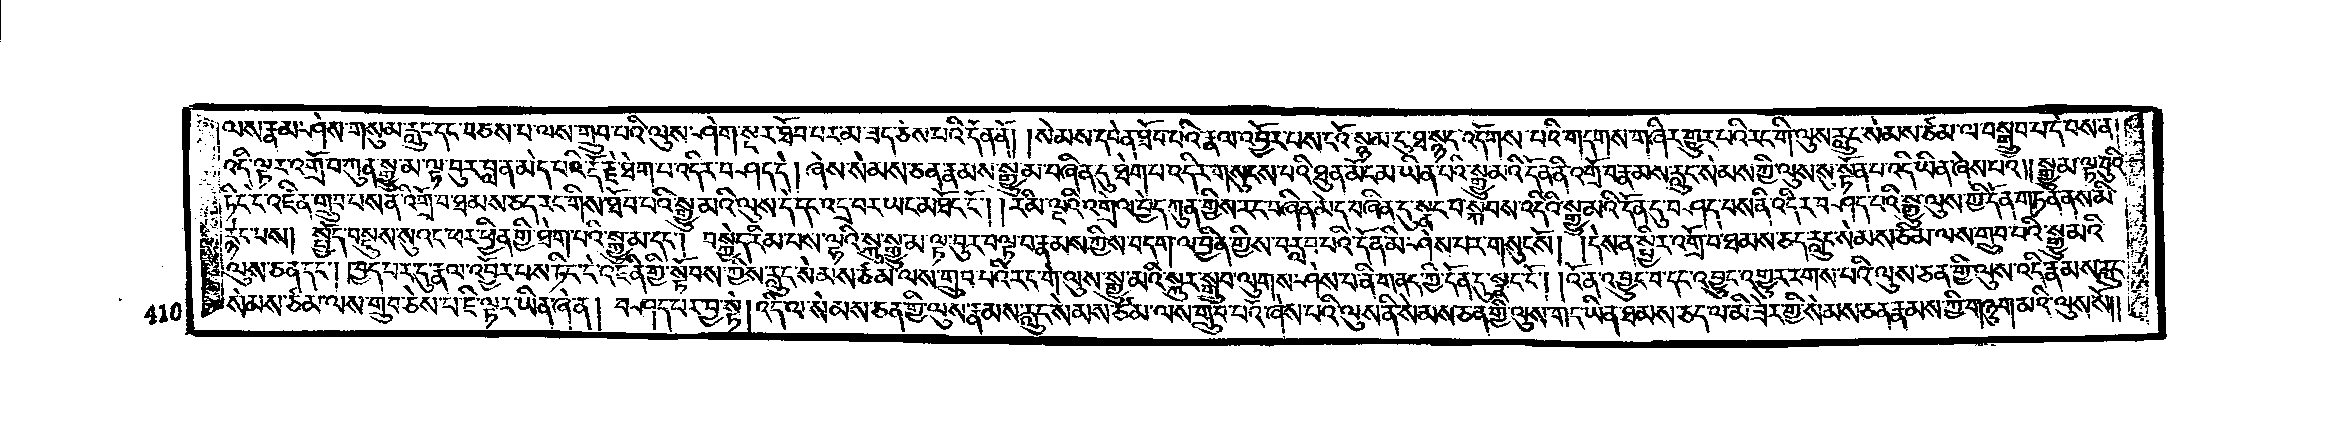ལས་རྣམ་ཤེས་གསུམ་རླུང་དང་བཅས་པ་ལས་གྲུབ་པའི་ལུས་ཤིག་སྔར་ཐོབ་པར་མ་ཟད་ཅེས་པའི་དོན་ནོ། །སེམས་དབེན་ཐོབ་པའི་རྣལ་འབྱོར་པས་ངའོ་སྙམ་དུ་ཐ་སྙད་འདོགས་པའི་གདགས་གཞིར་གྱུར་པའི་རང་གི་ལུས་རླུང་སེམས་ཙམ་ལ་བསྒྲུབ་པ་དེ་བས་ན།
འདི་ལྟར་འགྲོ་བ་ཀུན་སྒྱུ་མ་ལྟ་བུར་བླ་ན་མེད་པའི་རྡོ་རྗེ་ཐེག་པ་འདིར་བཤད་དེ། ཞེས་སེམས་ཅན་རྣམས་སྒྱུ་མ་བཞིན་དུ་ཐེག་པ་འདིར་གསུངས་པའི་ཐུན་མོང་མ་ཡིན་པའི་སྒྱུ་མའི་དོན་ནི་འགྲོ་བ་རྣམས་རླུང་སེམས་ཀྱི་ལུས་སུ་སྟོན་པ་འདི་ཡིན་ཞེས་པའོ། །སྒྱུ་མ་ལྟ་བུའི་
ཏིང་ངེ་འཛིན་གྲུབ་པས་ནི་འགྲོ་བ་ཐམས་ཅད་རང་གིས་ཐོབ་པའི་སྒྱུ་མའི་ལུས་དེ་དང་འདྲ་བར་ཡང་མཐོང་ངོ། །རིམ་ལྔའི་འགྲེལ་བྱེད་ཀུན་གྱིས་རང་བཞིན་མེད་བཞིན་དུ་སྣང་བ་སྐབས་འདིའི་སྒྱུ་མའི་དོན་དུ་བཤད་པས་ནི་འདིར་བཤད་པའི་སྒྱུ་ལུས་ཀྱི་དོན་གཏན་ནས་མི་
རྙེད་པས། སྤྱོད་བསྡུས་སུའང་ཕར་ཕྱིན་གྱི་ཐེག་པའི་སྒྱུ་མ་དང་། བསྐྱེད་རིམ་པས་ལྷའི་སྐུ་སྒྱུ་མ་ལྟ་བུར་བལྟ་བ་རྣམས་ཀྱིས་བདག་ལ་བྱིན་གྱིས་བརླབ་པའི་དོན་མི་ཤེས་པར་གསུངས་སོ། །དེས་ན་སྤྱིར་འགྲོ་བ་ཐམས་ཅད་རླུང་སེམས་ཙམ་ལས་གྲུབ་པའི་སྒྱུ་མའི་
ལུས་ཅན་དང་། ཁྱད་པར་དུ་རྣལ་འབྱོར་པས་ཏིང་ངེ་འཛིན་གྱི་སྟོབས་ཀྱིས་རླུང་སེམས་ཙམ་ལས་གྲུབ་པའི་རང་གི་ལུས་སྒྱུ་མའི་སྐུར་སྒྲུབ་ལུགས་ཤེས་པ་ནི་གནད་ཀྱི་དོན་དུ་སྣང་ངོ། །འོ་ན་འབྱུང་བ་དང་འབྱུང་འགྱུར་རགས་པའི་ལུས་ཅན་གྱི་ལུས་འདི་རྣམས་རླུང་
སེམས་ཙམ་ལས་གྲུབ་ཅེས་པ་ཇི་ལྟར་ཡིན་ཞེ་ན། བཤད་པར་བྱ་སྟེ། འདི་ལ་སེམས་ཅན་གྱི་ལུས་རྣམས་རླུང་སེམས་ཙམ་ལས་གྲུབ་པའི་ཞེས་པའི་ལུས་ནི་སེམས་ཅན་གྱི་ལུས་གང་ཡིན་ཐམས་ཅད་ལ་མི་ཟེར་གྱི་སེམས་ཅན་རྣམས་ཀྱི་གཉུག་མའི་ལུས་སོ། །